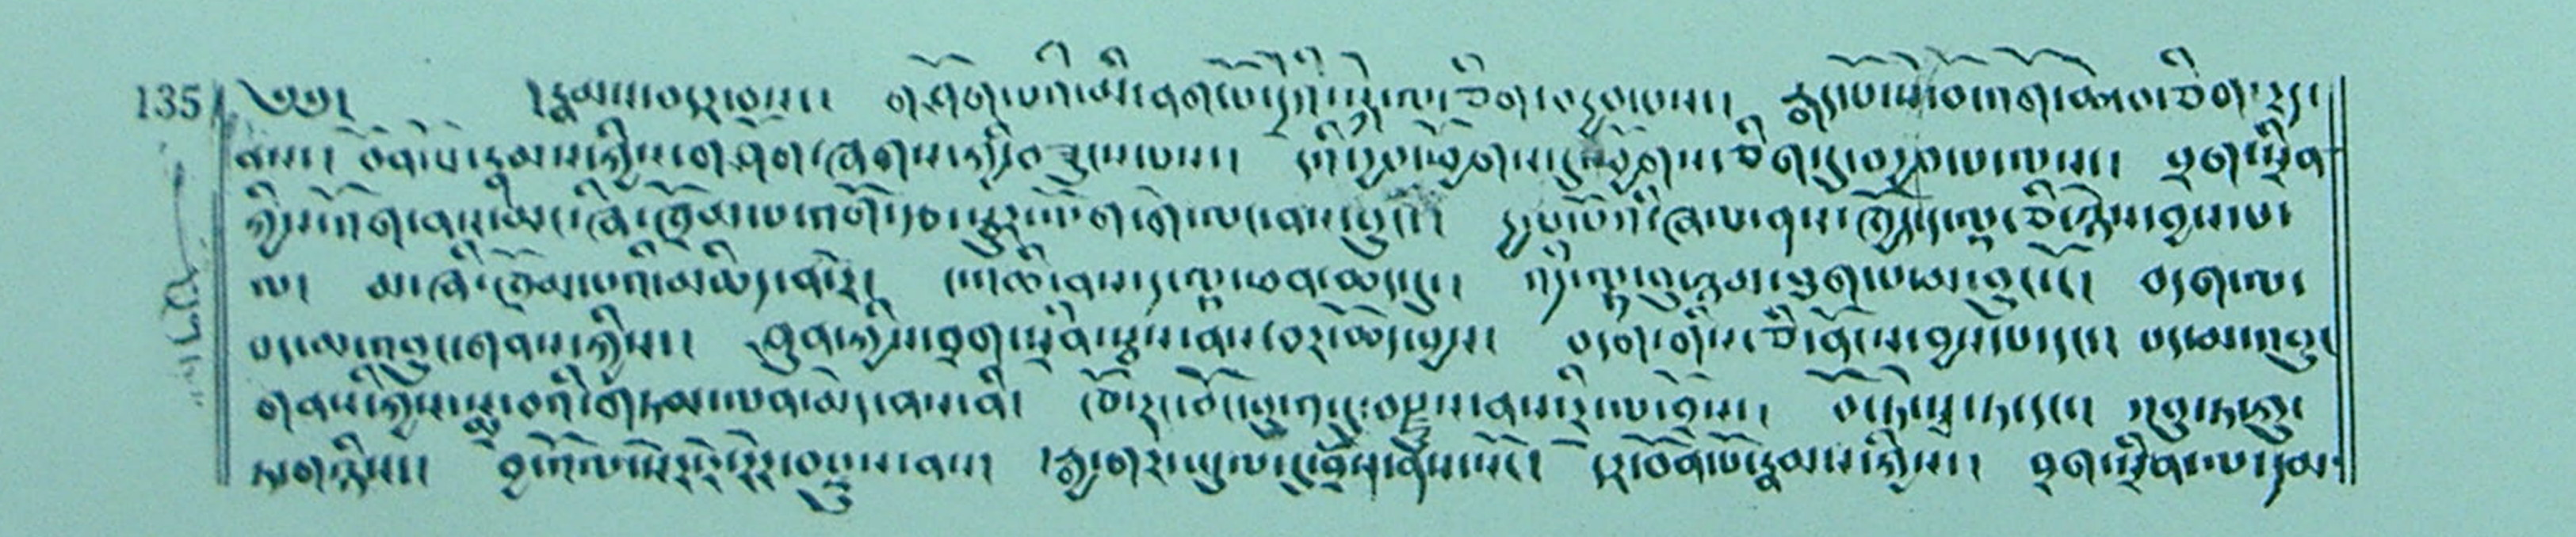༄༅། །རྣམས་བདར་ནས། གཤོག་པའི་མི་ནག་པོ་དེའི་སྐེ་ལ་ཅིག་བརྒྱབ་པས། རྒད་པོ་སེ་བོ་མགོ་ཆེ་བ་གཅིག་རེད་
ནས། བོན་པོ་རྣམས་ཀྱིས་གཤོག་ཞགས་ཀྱི་བཟུང་བས། དེའི་རྒྱབ་ཕྱོགས་སུ་ཕྱོགས་གཅིག་ཏུ་བརྒྱབ་པ་ལས། བྲག་སྲིན་
ཀྱིས་འོག་ནས་མང་ཞི་ཁྲོམ་པ་མགོ་རྩ་སྤུར་ལོག་གེ་ལང་ནས་བྱུང་ངོ་། །རྒྱལ་པོའི་ཞལ་ནས་ཁྱོད་ད་ལྟ་ཅི་ཉེས་བྱས་པ་
ལ། མ་ཞི་ཁྲོམ་པའི་མཆིད་ན་རེ། ང་འཆི་ནས་ད་ལྟ་ཕན་ཆད་དུ། འདི་ལྟ་བུའི་ཉམས་ཐག་པ་མ་བྱུང་ངོ་། །བདག་ལ་
པད་མ་འབྱུང་གནས་ཀྱིས། ཤུན་ཀྱིས་བྲག་སྲིན་སྦས་ནས་བར་ཆོད་བྱས། བདག་གིས་ཅི་ནོངས་བྱས་པ་དང་། པད་པ་འབྱུང་
གནས་ཀྱིས་སྨྲ་བའི་གཏམ་ལན་མེད་ནས་ནི། ཁོ་རང་བོང་བུ་གཅིག་ཏུ་བརྫུས་ནས་རི་ལ་བྲོས། བོ་ཏེ་སྭ་ཏ་དང་། འབུ་ཏ་ཀུ་
ཏ་གཉིས། བྱ་འོལ་སེར་རེ་རེར་བརྫུས་ནས། རྒྱ་གར་ཡུལ་དུ་བྲོས་ནས་སོང་། །དེར་བོན་པོ་རྣམས་ཀྱིས། བྲག་སྲིན་ལ་དམ་